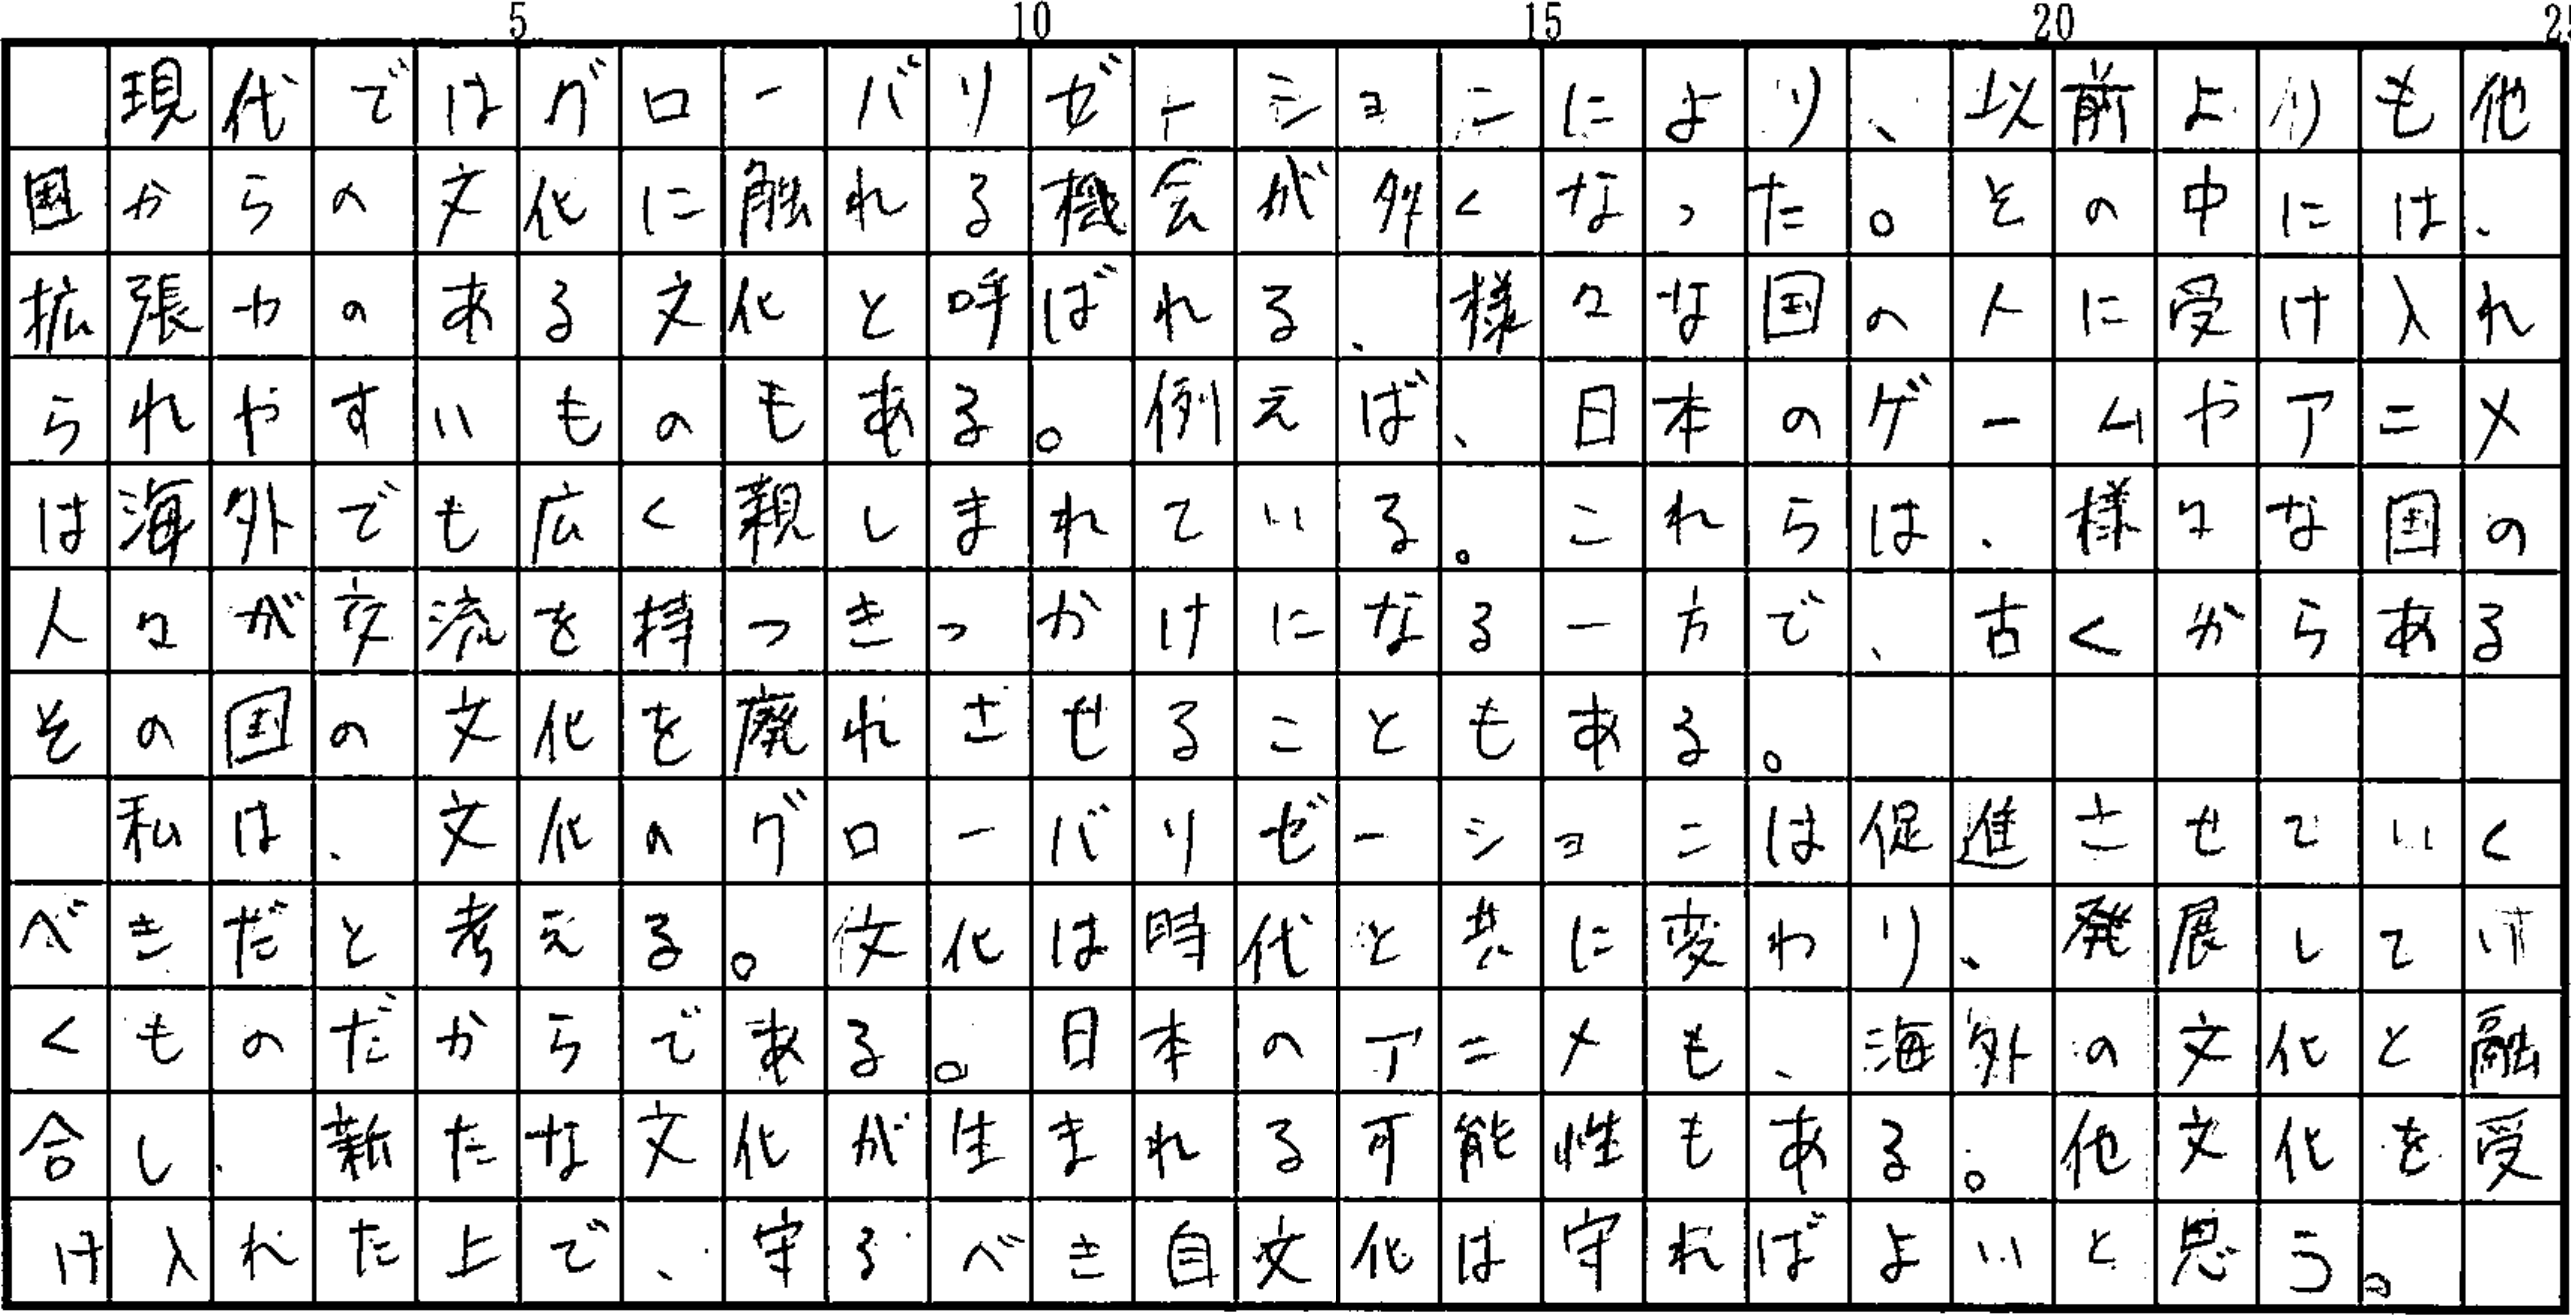　現代ではグローバリゼーションにより、以前よりも他国からの文化に触れる機会が多くなった。その中には、拡張力のある文化と呼ばれる、様々な国の人に受け入れられやすいものもある。例えば、日本のゲームやアニメは海外でも広く親しまれている。これらは、様々な国の人々が交流を持つきっかけになる一方で、古くからあるその国の文化を廃れさせることもある。
　私は、文化のグローバリゼーションは促進させていくべきだと考える。文化は時代と共に変わり、発展していくものだからである。日本のアニメも、海外の文化と融合し、新たな文化が生まれる可能性もある。他文化を受け入れた上で、守るべき自文化は守れば良いと思う。
